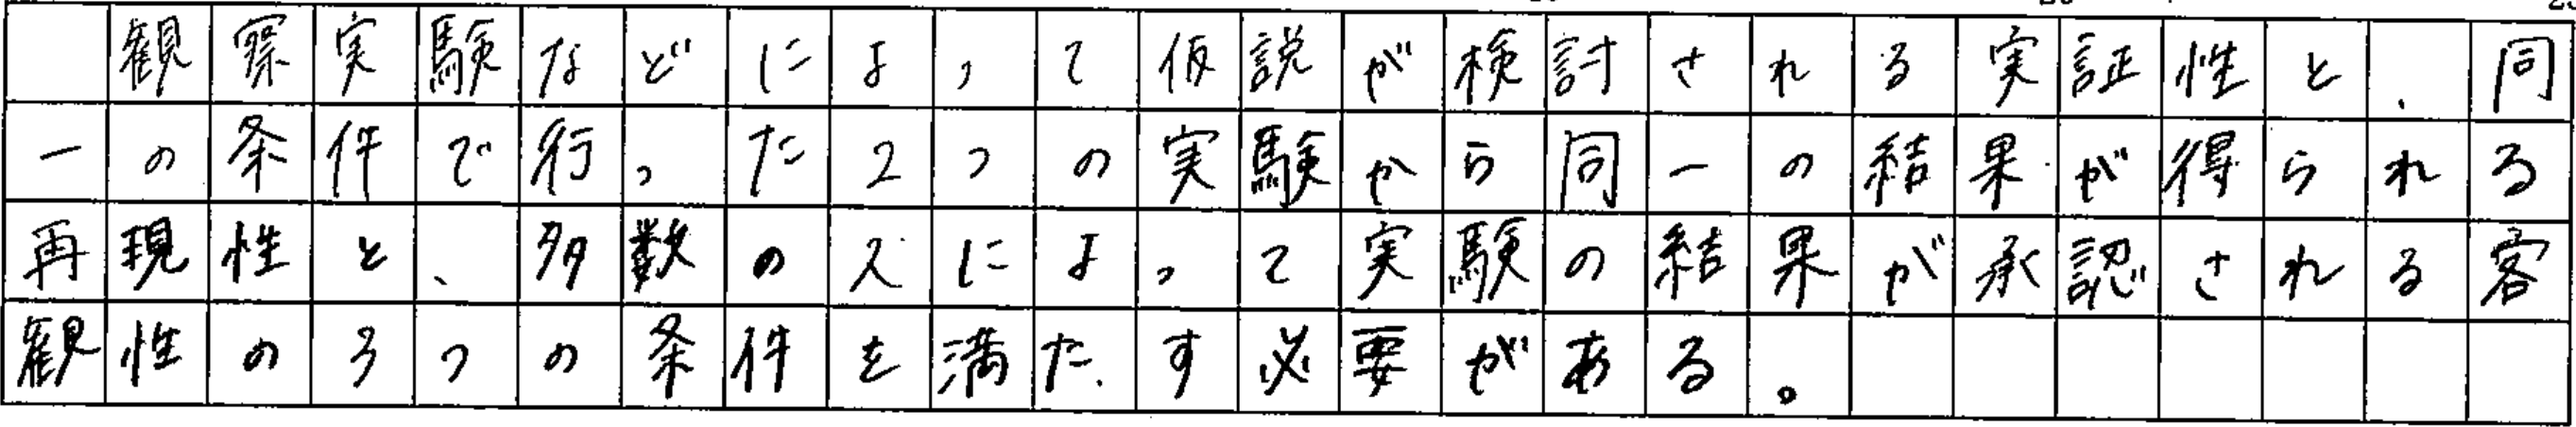　観察実験などによって仮説が検討される実証性と、同一の条件で行った２つの実験から同一の結果が得られる再現性と、多数の人によって実験の結果が承認される客観性の３つの条件を満たす必要がある。
